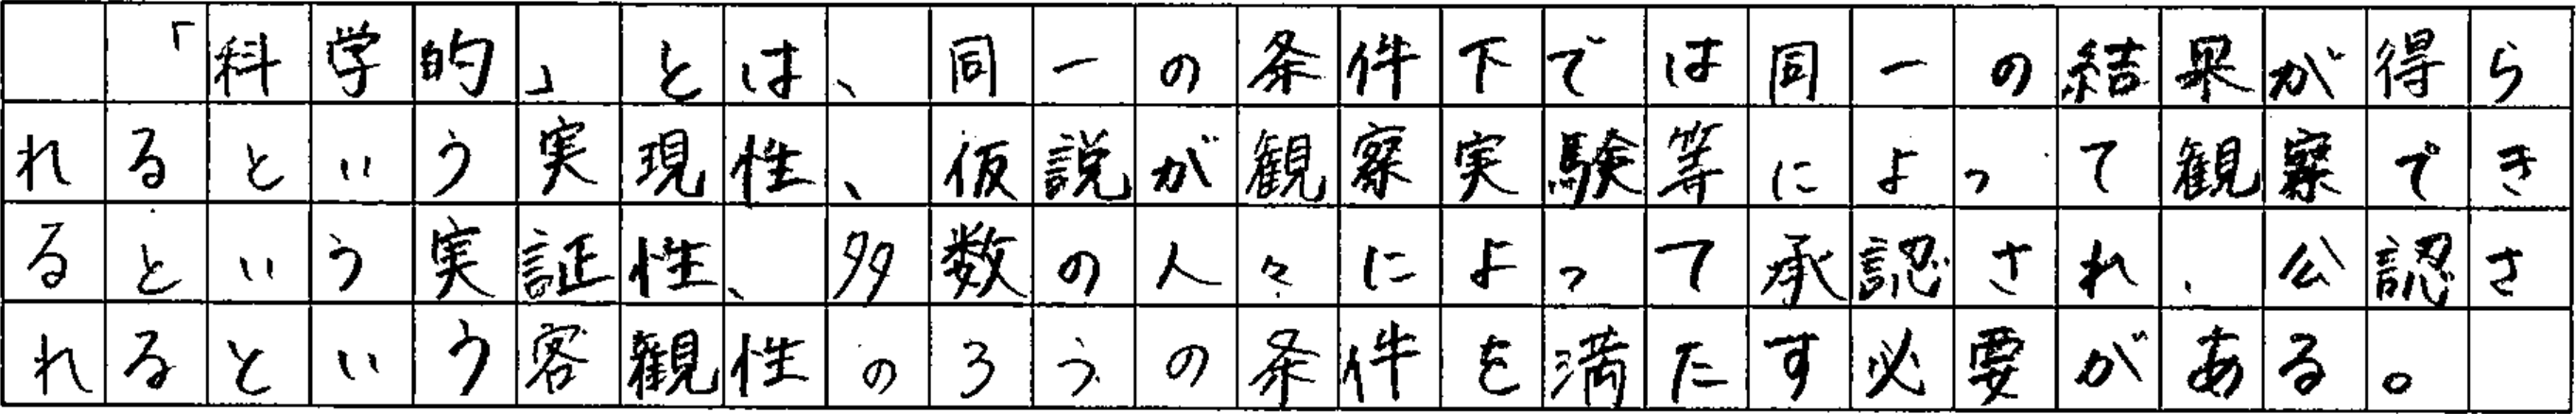　「科学的」とは、同一の条件下では同一の結果が得られるという実現性、仮説が観察実験等によって観察できるという実証性、多数の人々によって承認され、公認されるという客観性の３つの条件を満たす必要がある。
